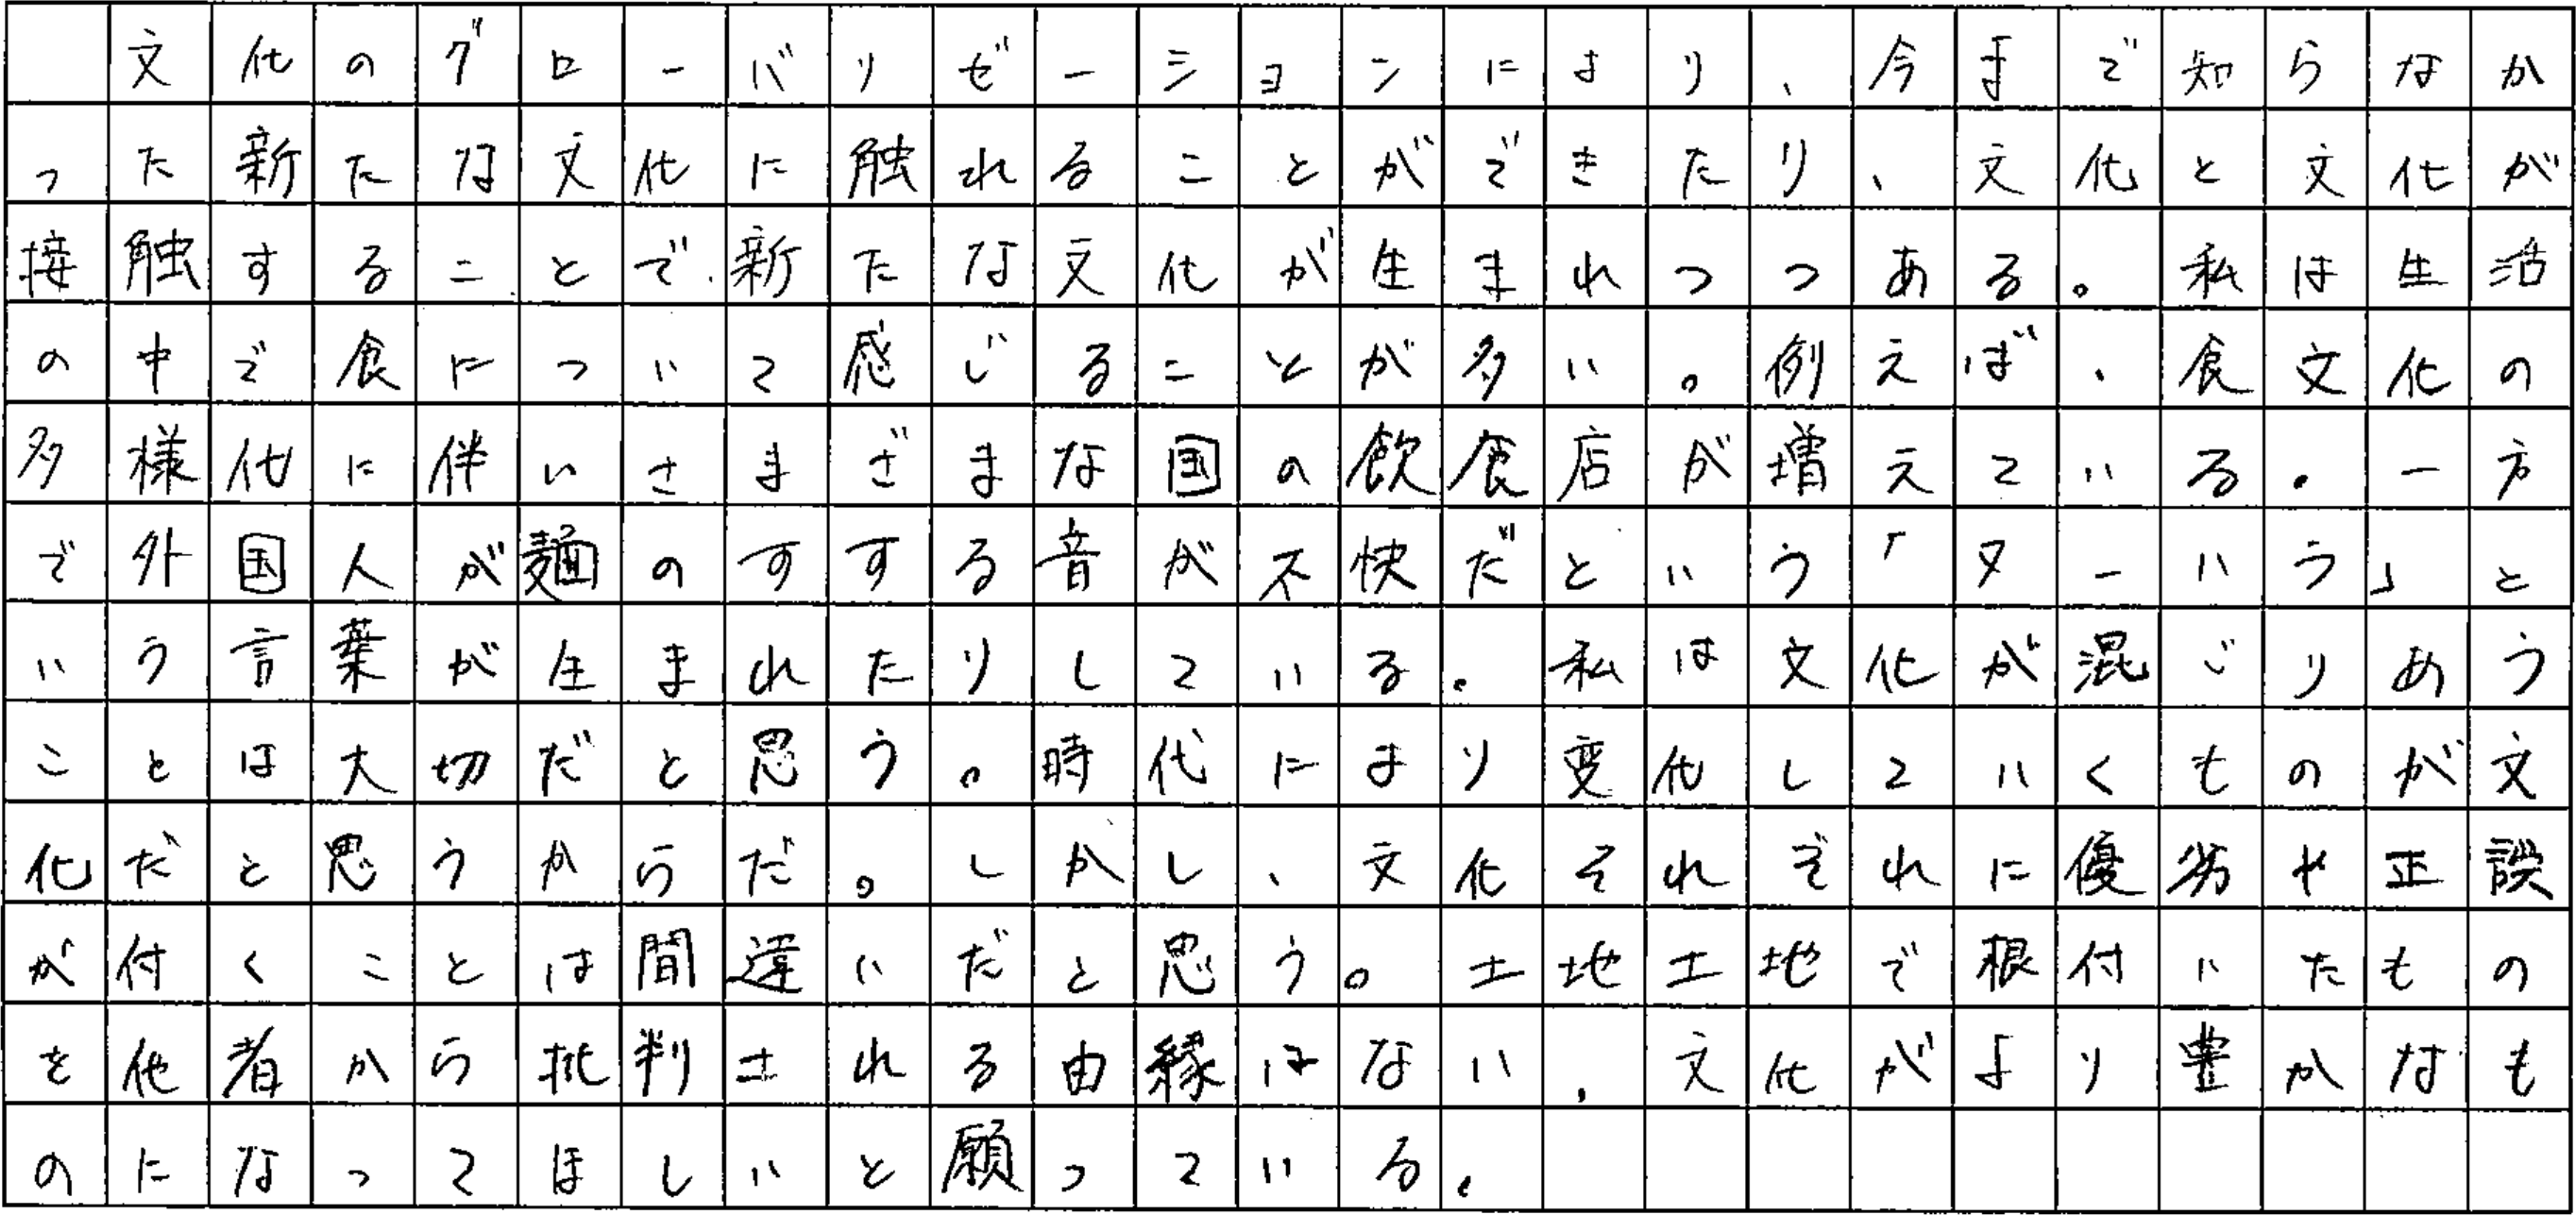　文化のグローバリゼーションにより、今まで知らなかった新たな文化に触れることができたり、文化と文化が接触することで新たな文化が生まれつつある。私は生活の中で食について感じることが多い。例えば、食文化の多様化に伴いさまざまな国の飲食店が増えている。一方で外国人が麺のすする音が不快だという「ヌーハラ」という言葉が生まれたりしている。私は文化が混じりあうことは大切だと思う。時代により変化していくものが文化だと思うからだ。しかし、文化それぞれに優劣や正誤が付くことは間違いだと思う。土地土地で根付いたものを他者から批判される由縁はない。文化がより豊かなものになってほしいと願っている。
